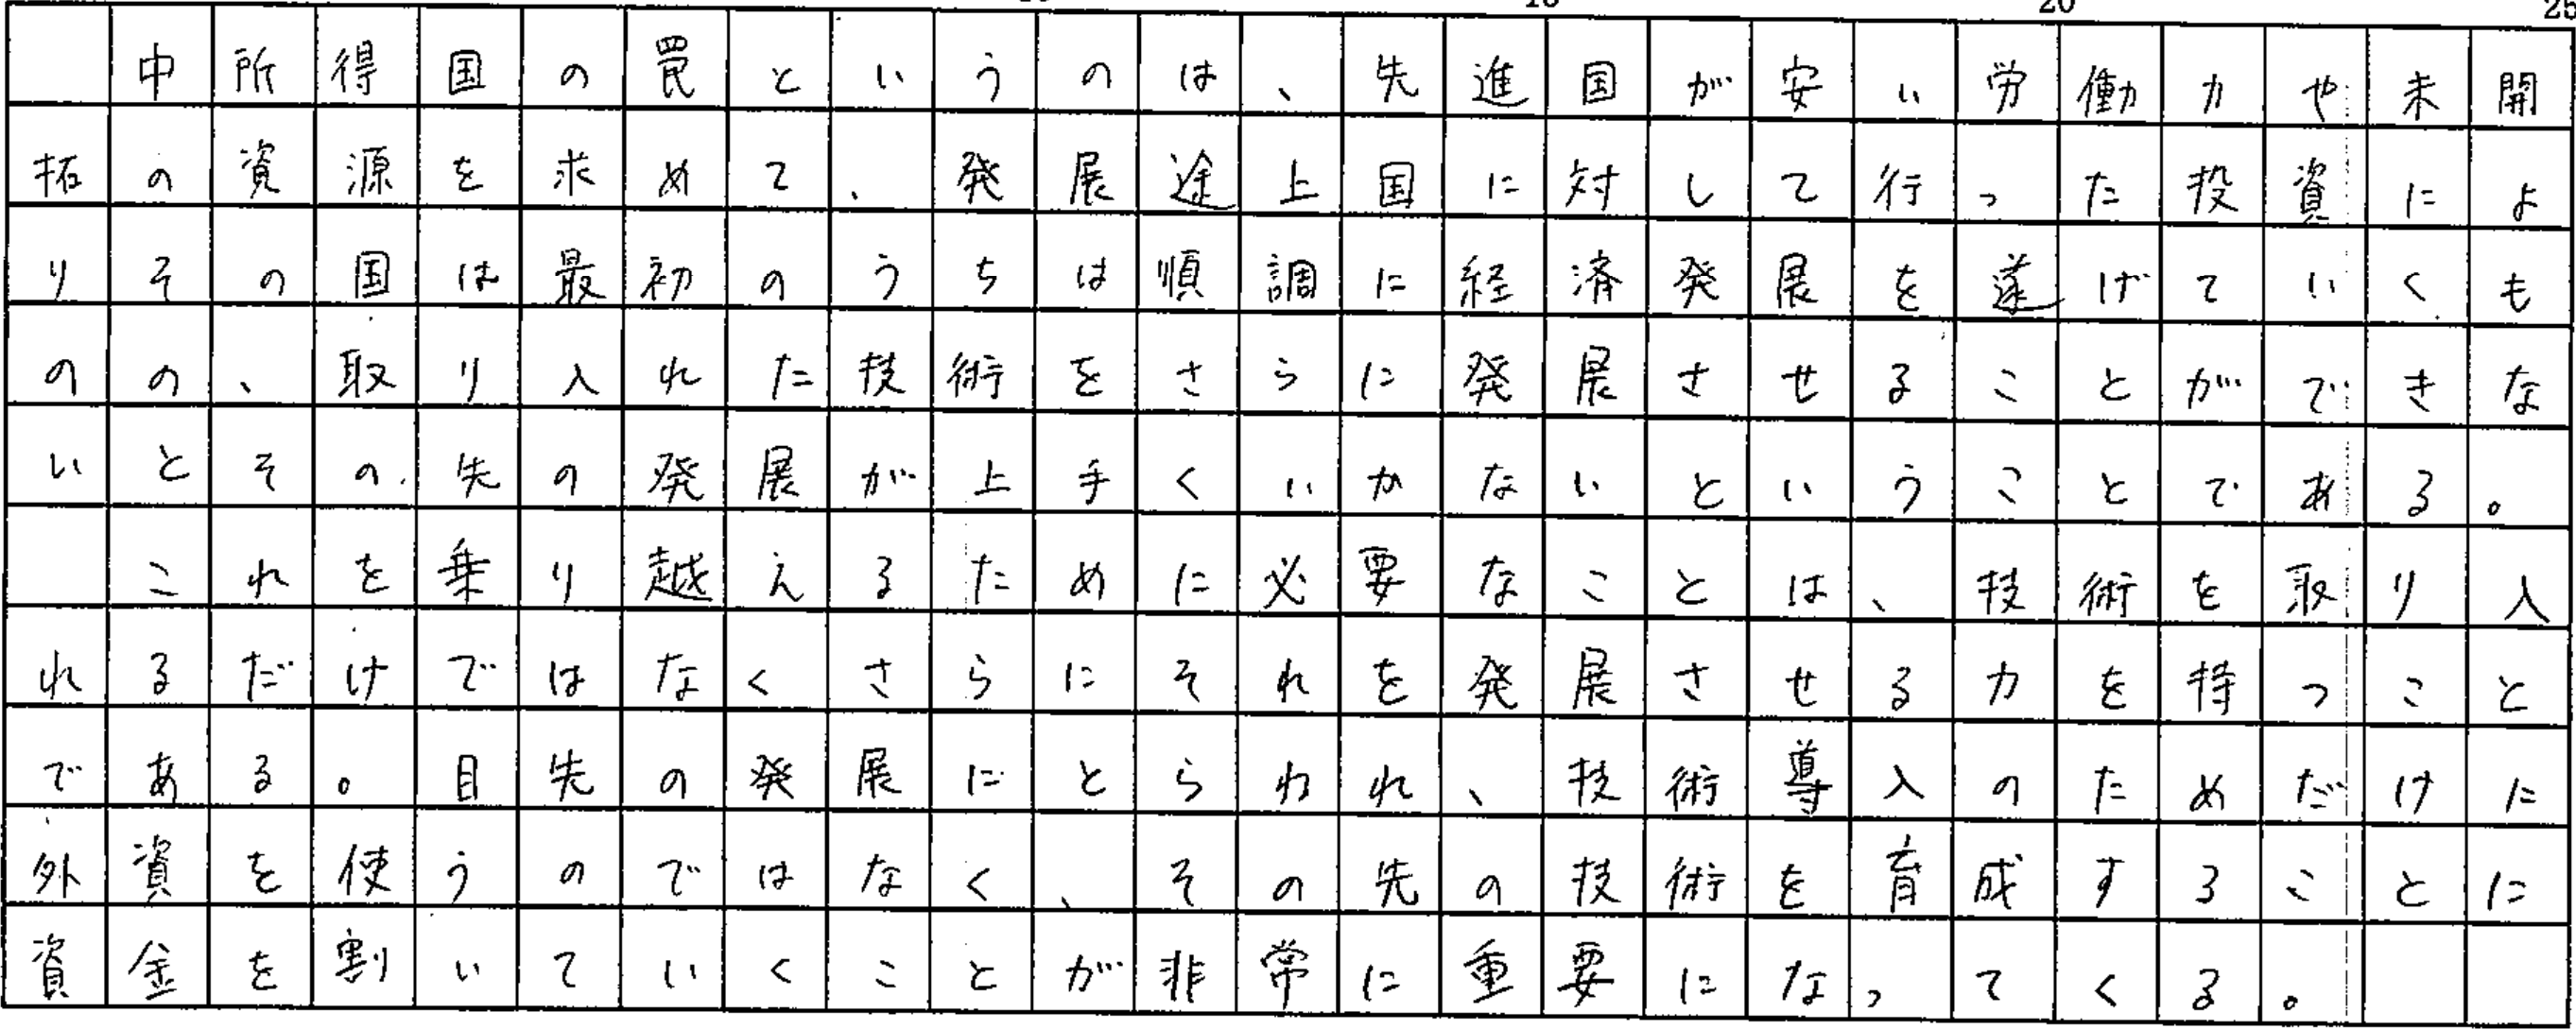　中所得国の罠というのは、先進国が安い労働力や未開拓の資源を求めて、発展途上国に対して行った投資によりその国は最初のうちは順調に経済発展を遂げていくものの、取り入れた技術をさらに発展させることができないとその先の発展が上手くいかないということである。
　これを乗り越えるために必要なことは、技術を取り入れるだけではなくさらにそれを発展させる力を持つことである。目先の発展にとらわれ、技術導入のためだけに外資を使うのではなく、その先の技術を育成することに資金を割いていくことが非常に重要になってくる。
